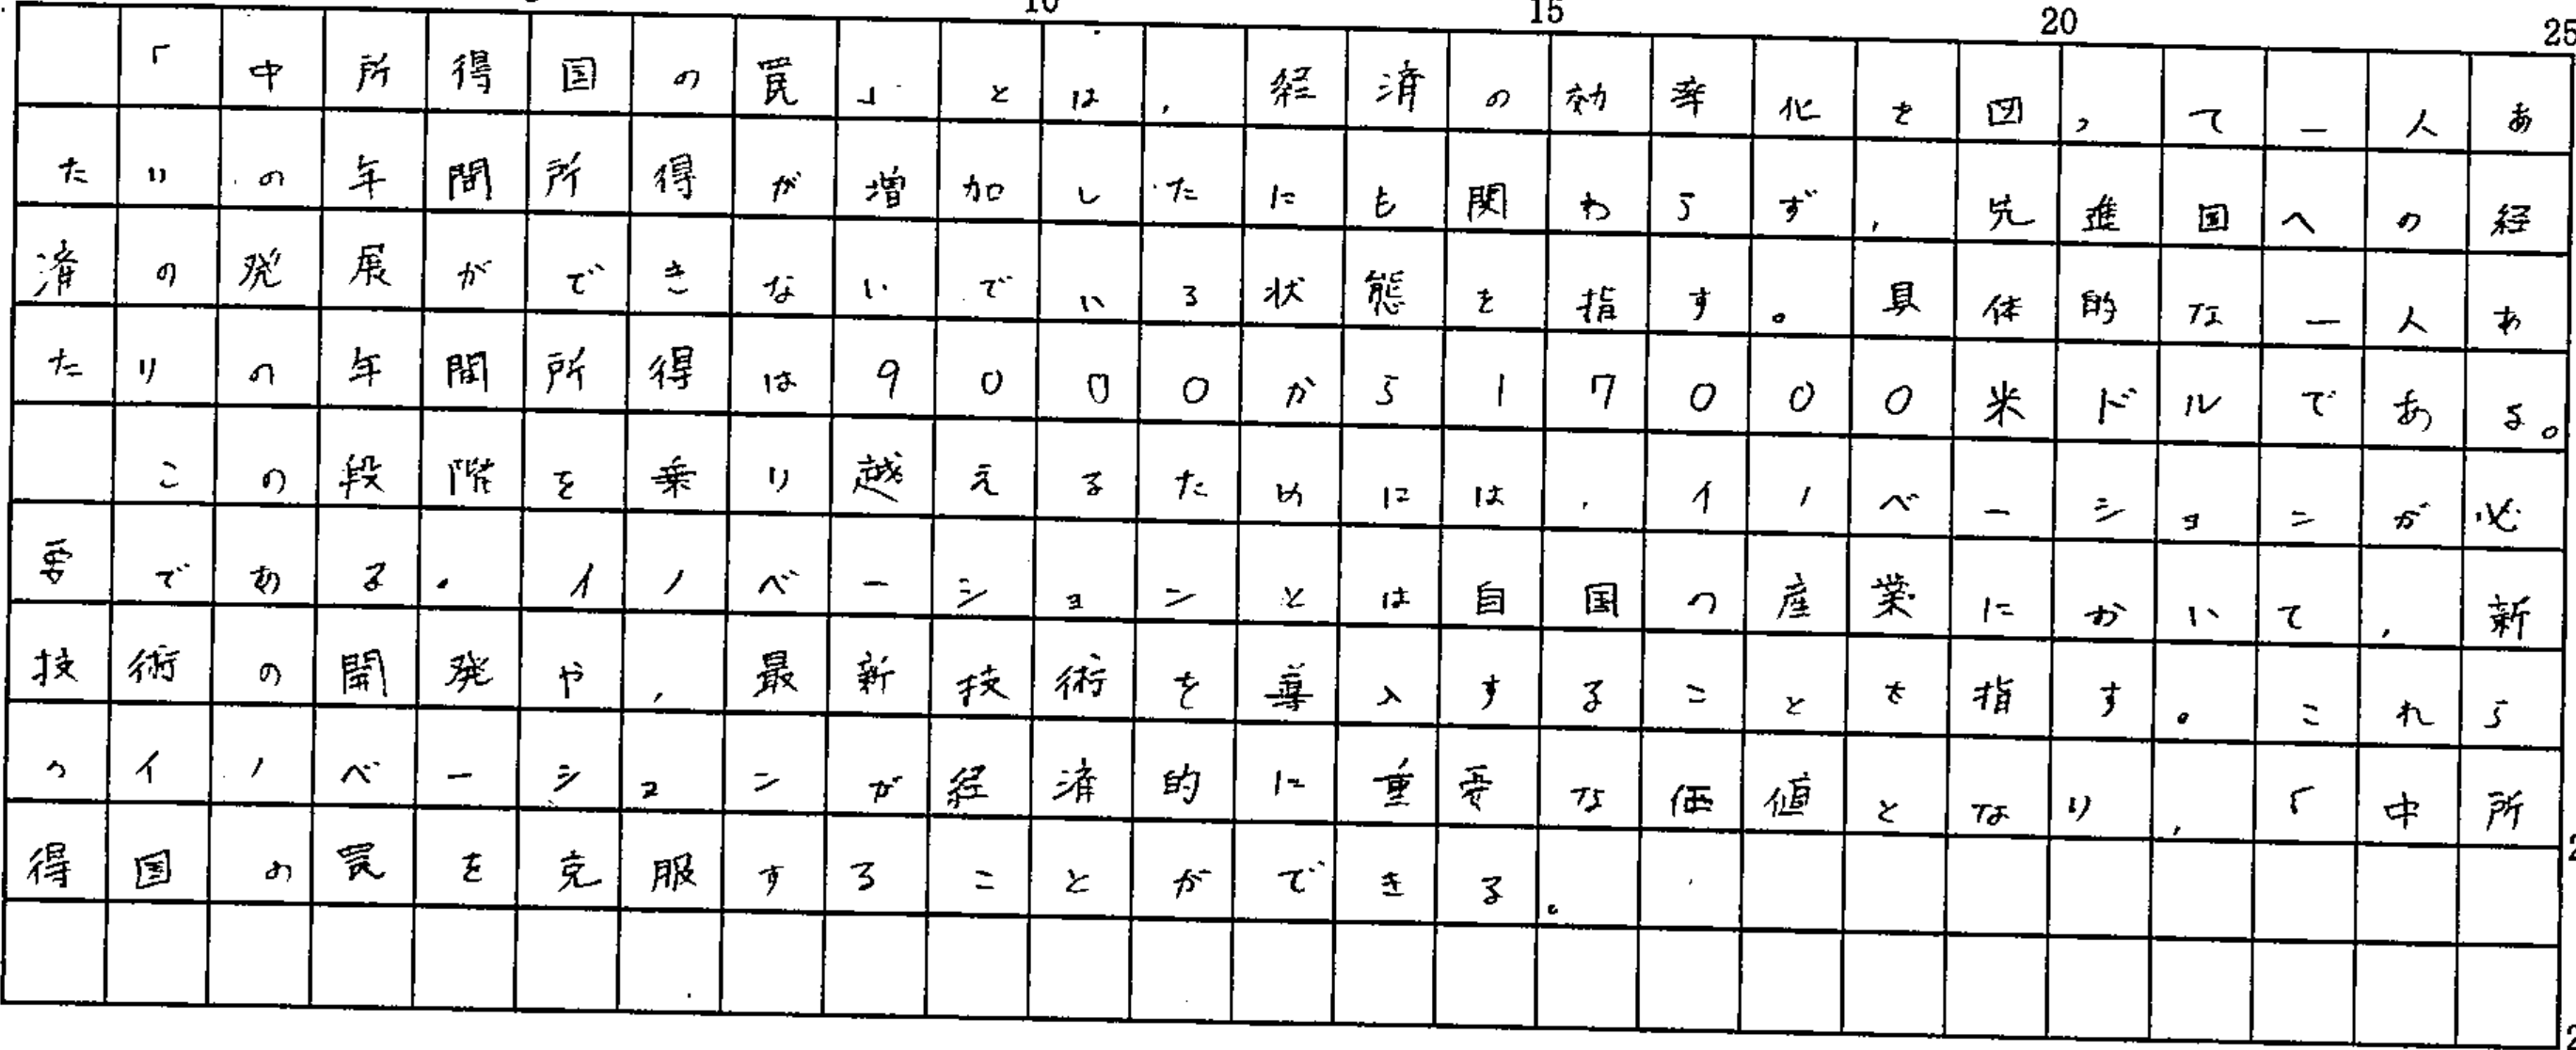　「中所得国の罠」とは，経済の効率化を図って一人あたりの年間所得が増加したにも関わらず，先進国への経済の発展ができないでいる状態を指す。具体的な一人あたりの年間所得は９０００から１７０００米ドルである。
　この段階を乗り越えるためには，イノベーションが必要である。イノベーションとは自国の産業において，新技術の開発や，最新技術を導入することを指す。これらのイノベーションが経済的に重要な価値となり，「中所得国の罠を克服することができる。
